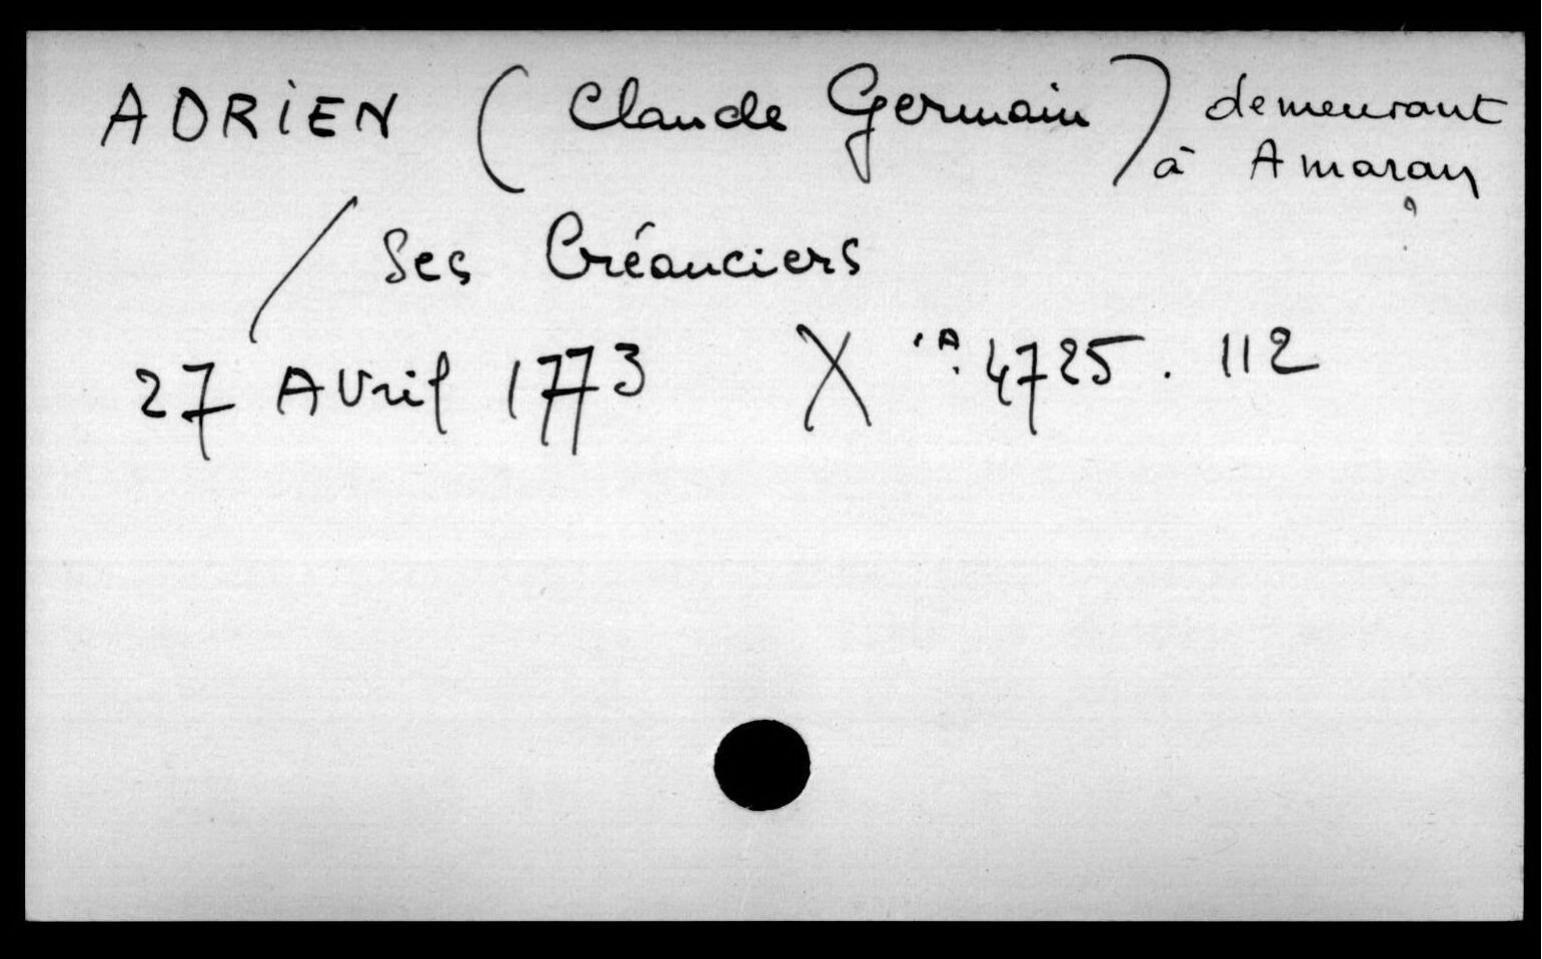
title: ADRIEN (Claude Germain) demeurant à Amaran ?
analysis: Contre Ses Créanciers
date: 27 avril 1773
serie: X1A
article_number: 4725
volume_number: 112
